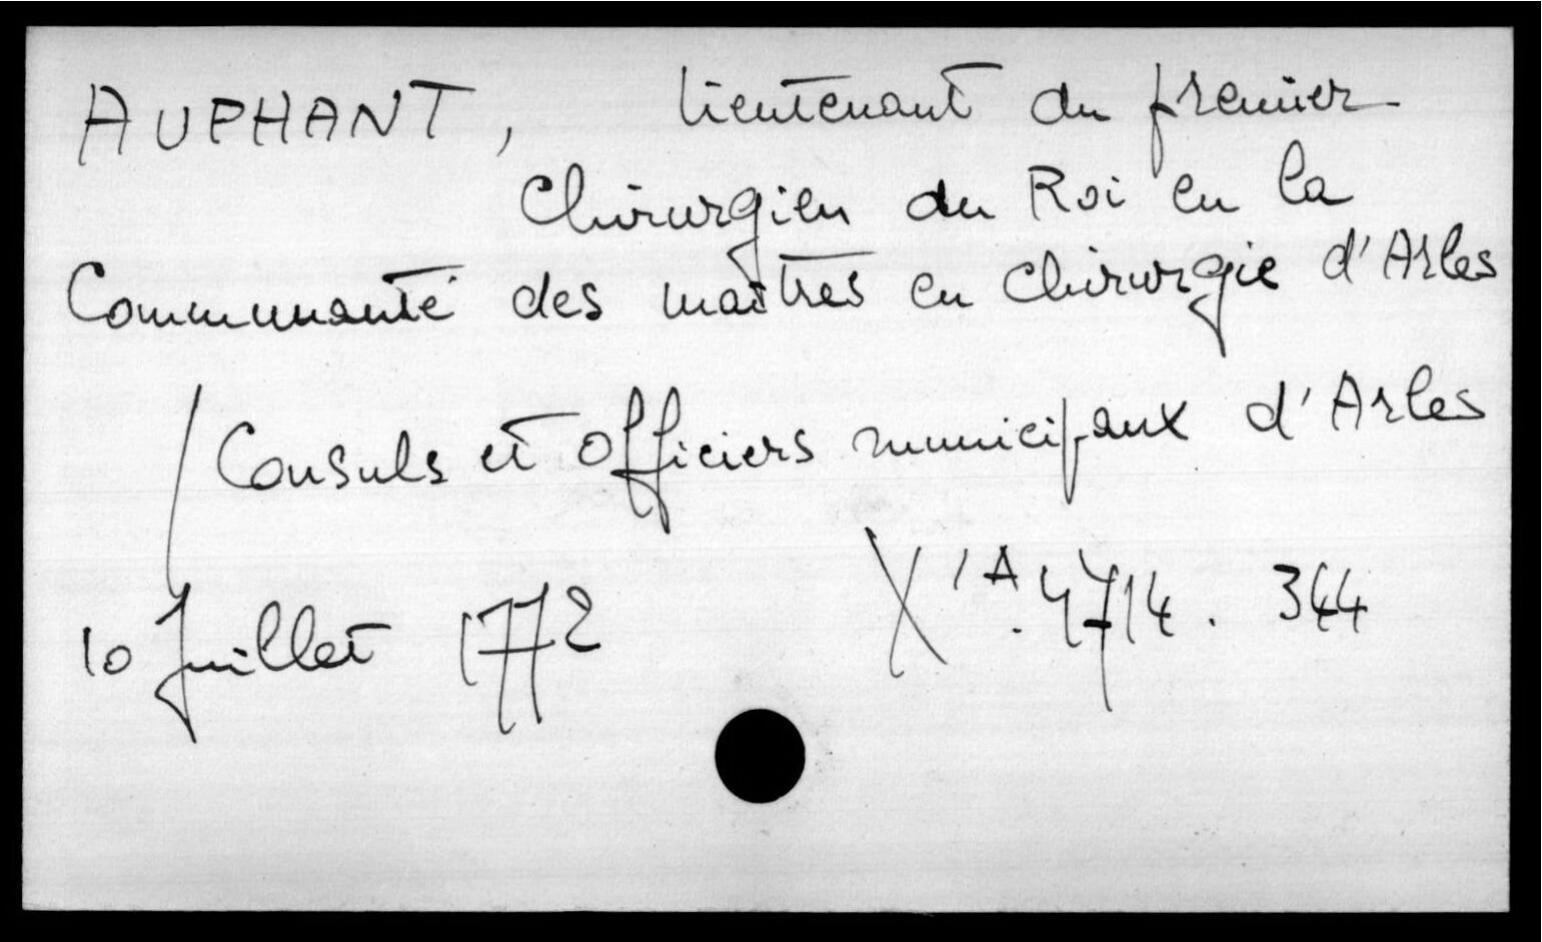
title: AUPHANT, lieutenant du premier chirurgien du roi en la Communauté des maîtres en Chirurgie d'Arles
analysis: Contre Consuls et officiers municipaux d'Arles
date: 10 juillet 1772
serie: X1A
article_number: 4714
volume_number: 344
